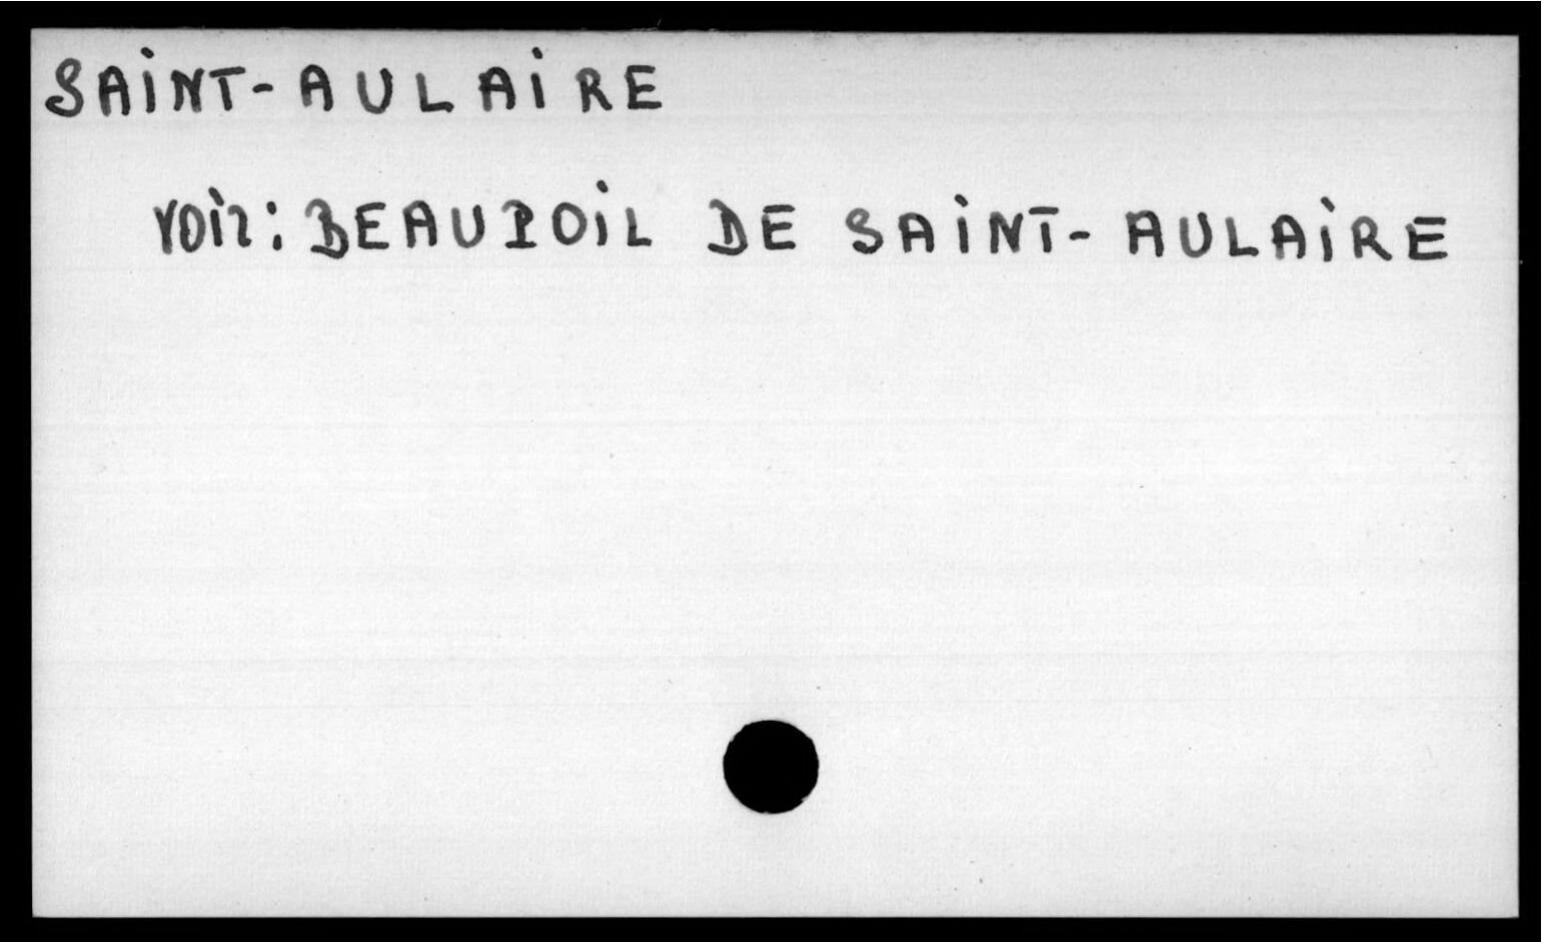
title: SAINT-AULAIRE
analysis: Voir : BEAUPOIL DE SAINT-AULAIRE
